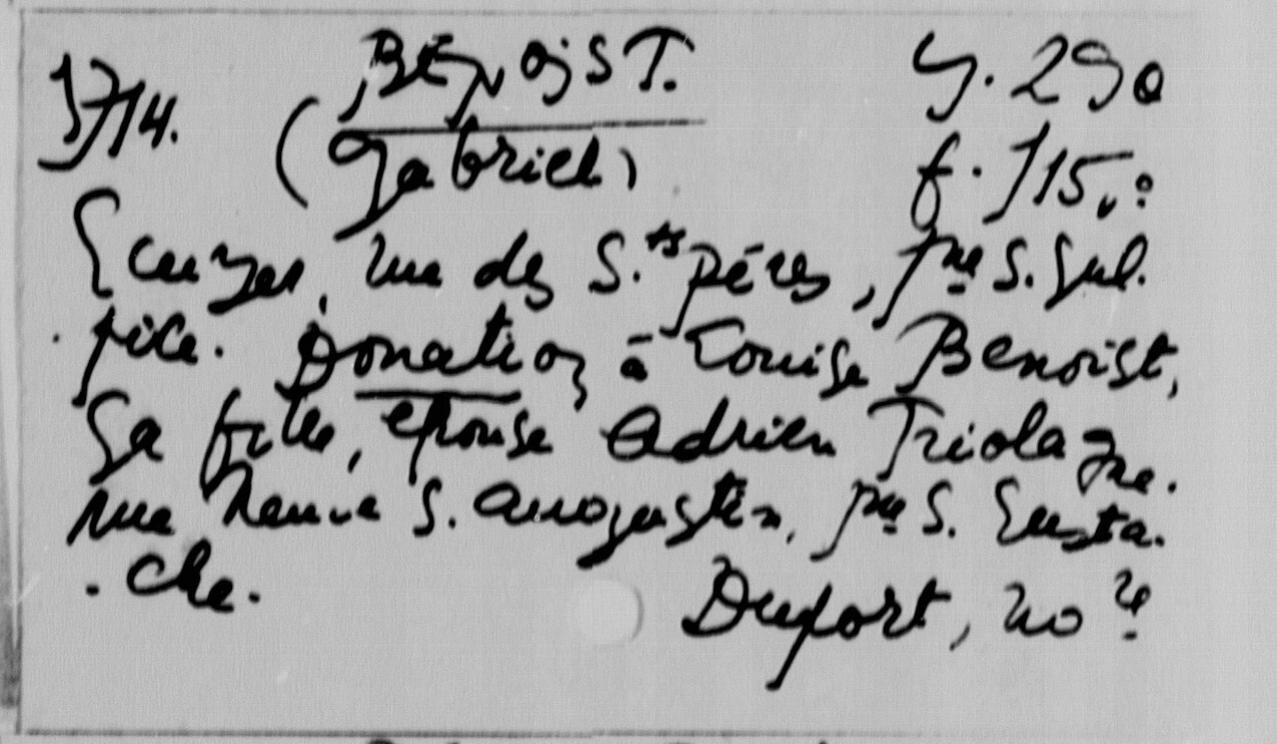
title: BENOIST (Gabriel)
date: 1714
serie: Y
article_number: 290
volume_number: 115v
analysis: Écuyer, rue des Saints-Pères, paroisse Saint-Sulpice. Donation à Louise Benoist, sa fille, épouse Adrien Triolagne, rue Neuve Saint-Augustin, paroisse Saint-Eustache. Duport, notaire
